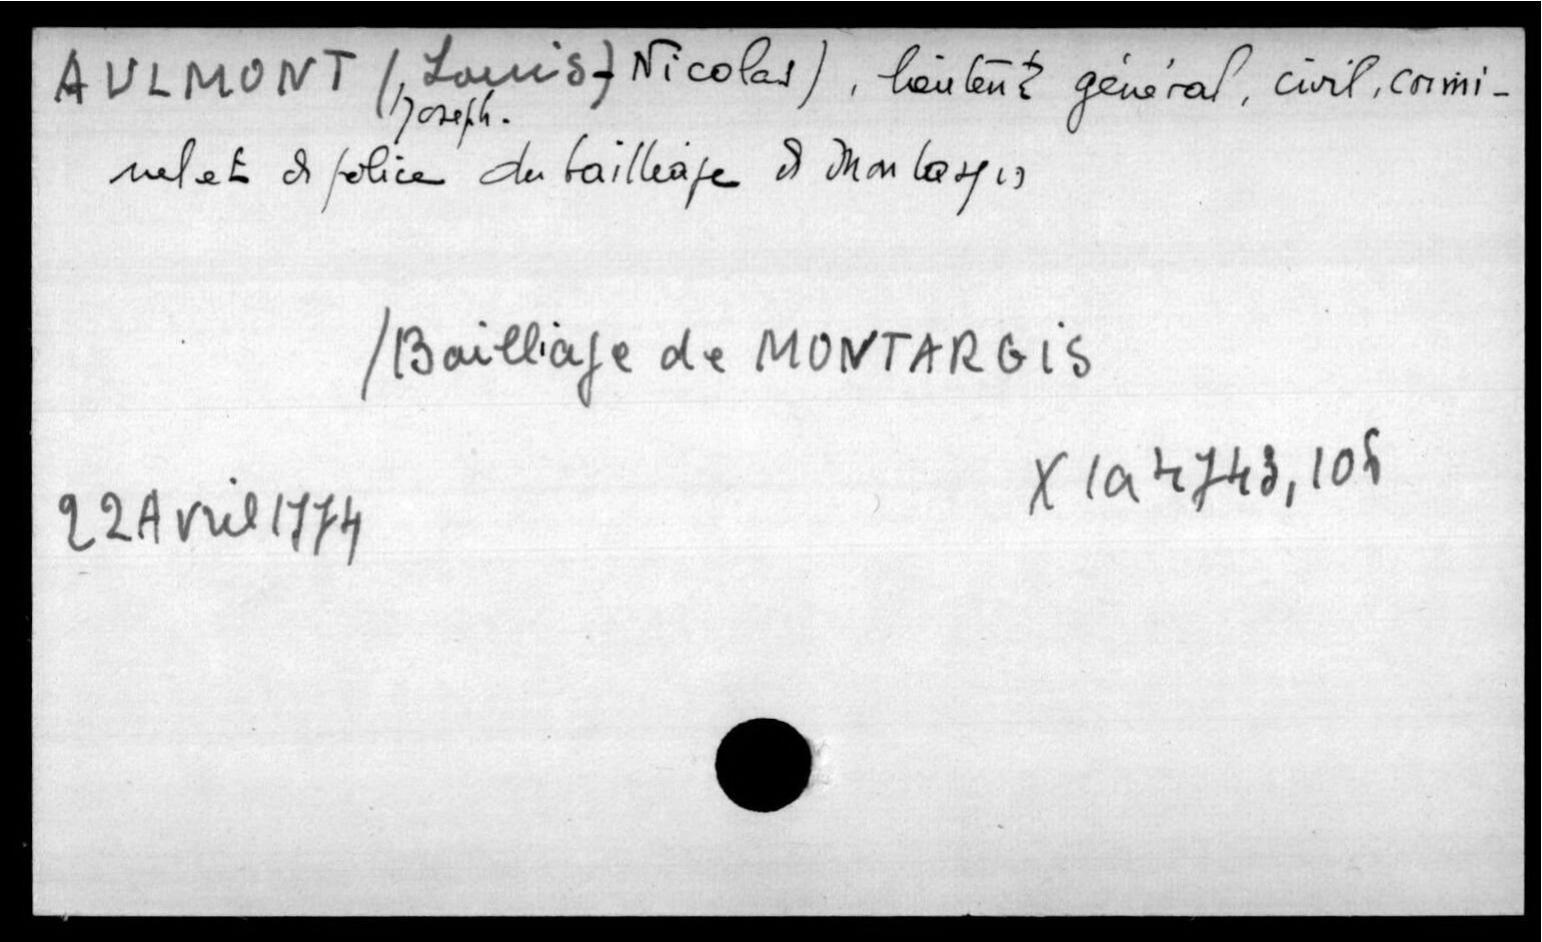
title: AULMONT (Louis-Nicolas), lieutenant général, civil, criminel de police du bailliage de Montargis
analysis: Contre Bailliage de MONTARGIS
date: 22 avril 1774
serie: X1a
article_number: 4743
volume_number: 105
